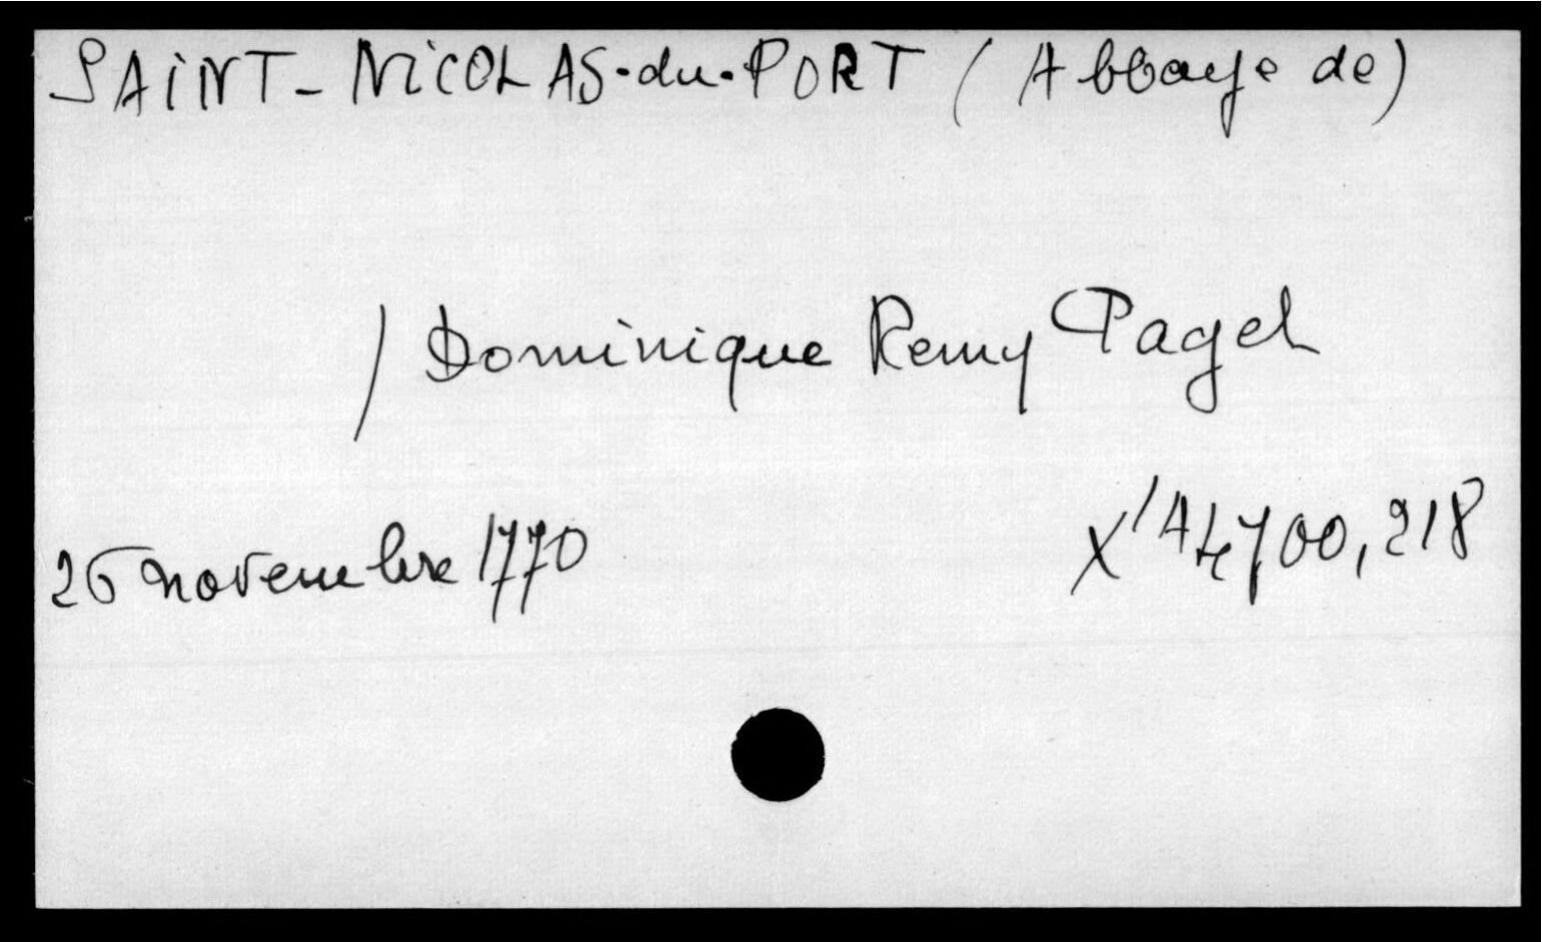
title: SAINT-NICOLAS du-PORT (Abbaye de)
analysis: Contre Dominique Remy Pagel
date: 26 novembre 1770
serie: X1A
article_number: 4700
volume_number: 218
